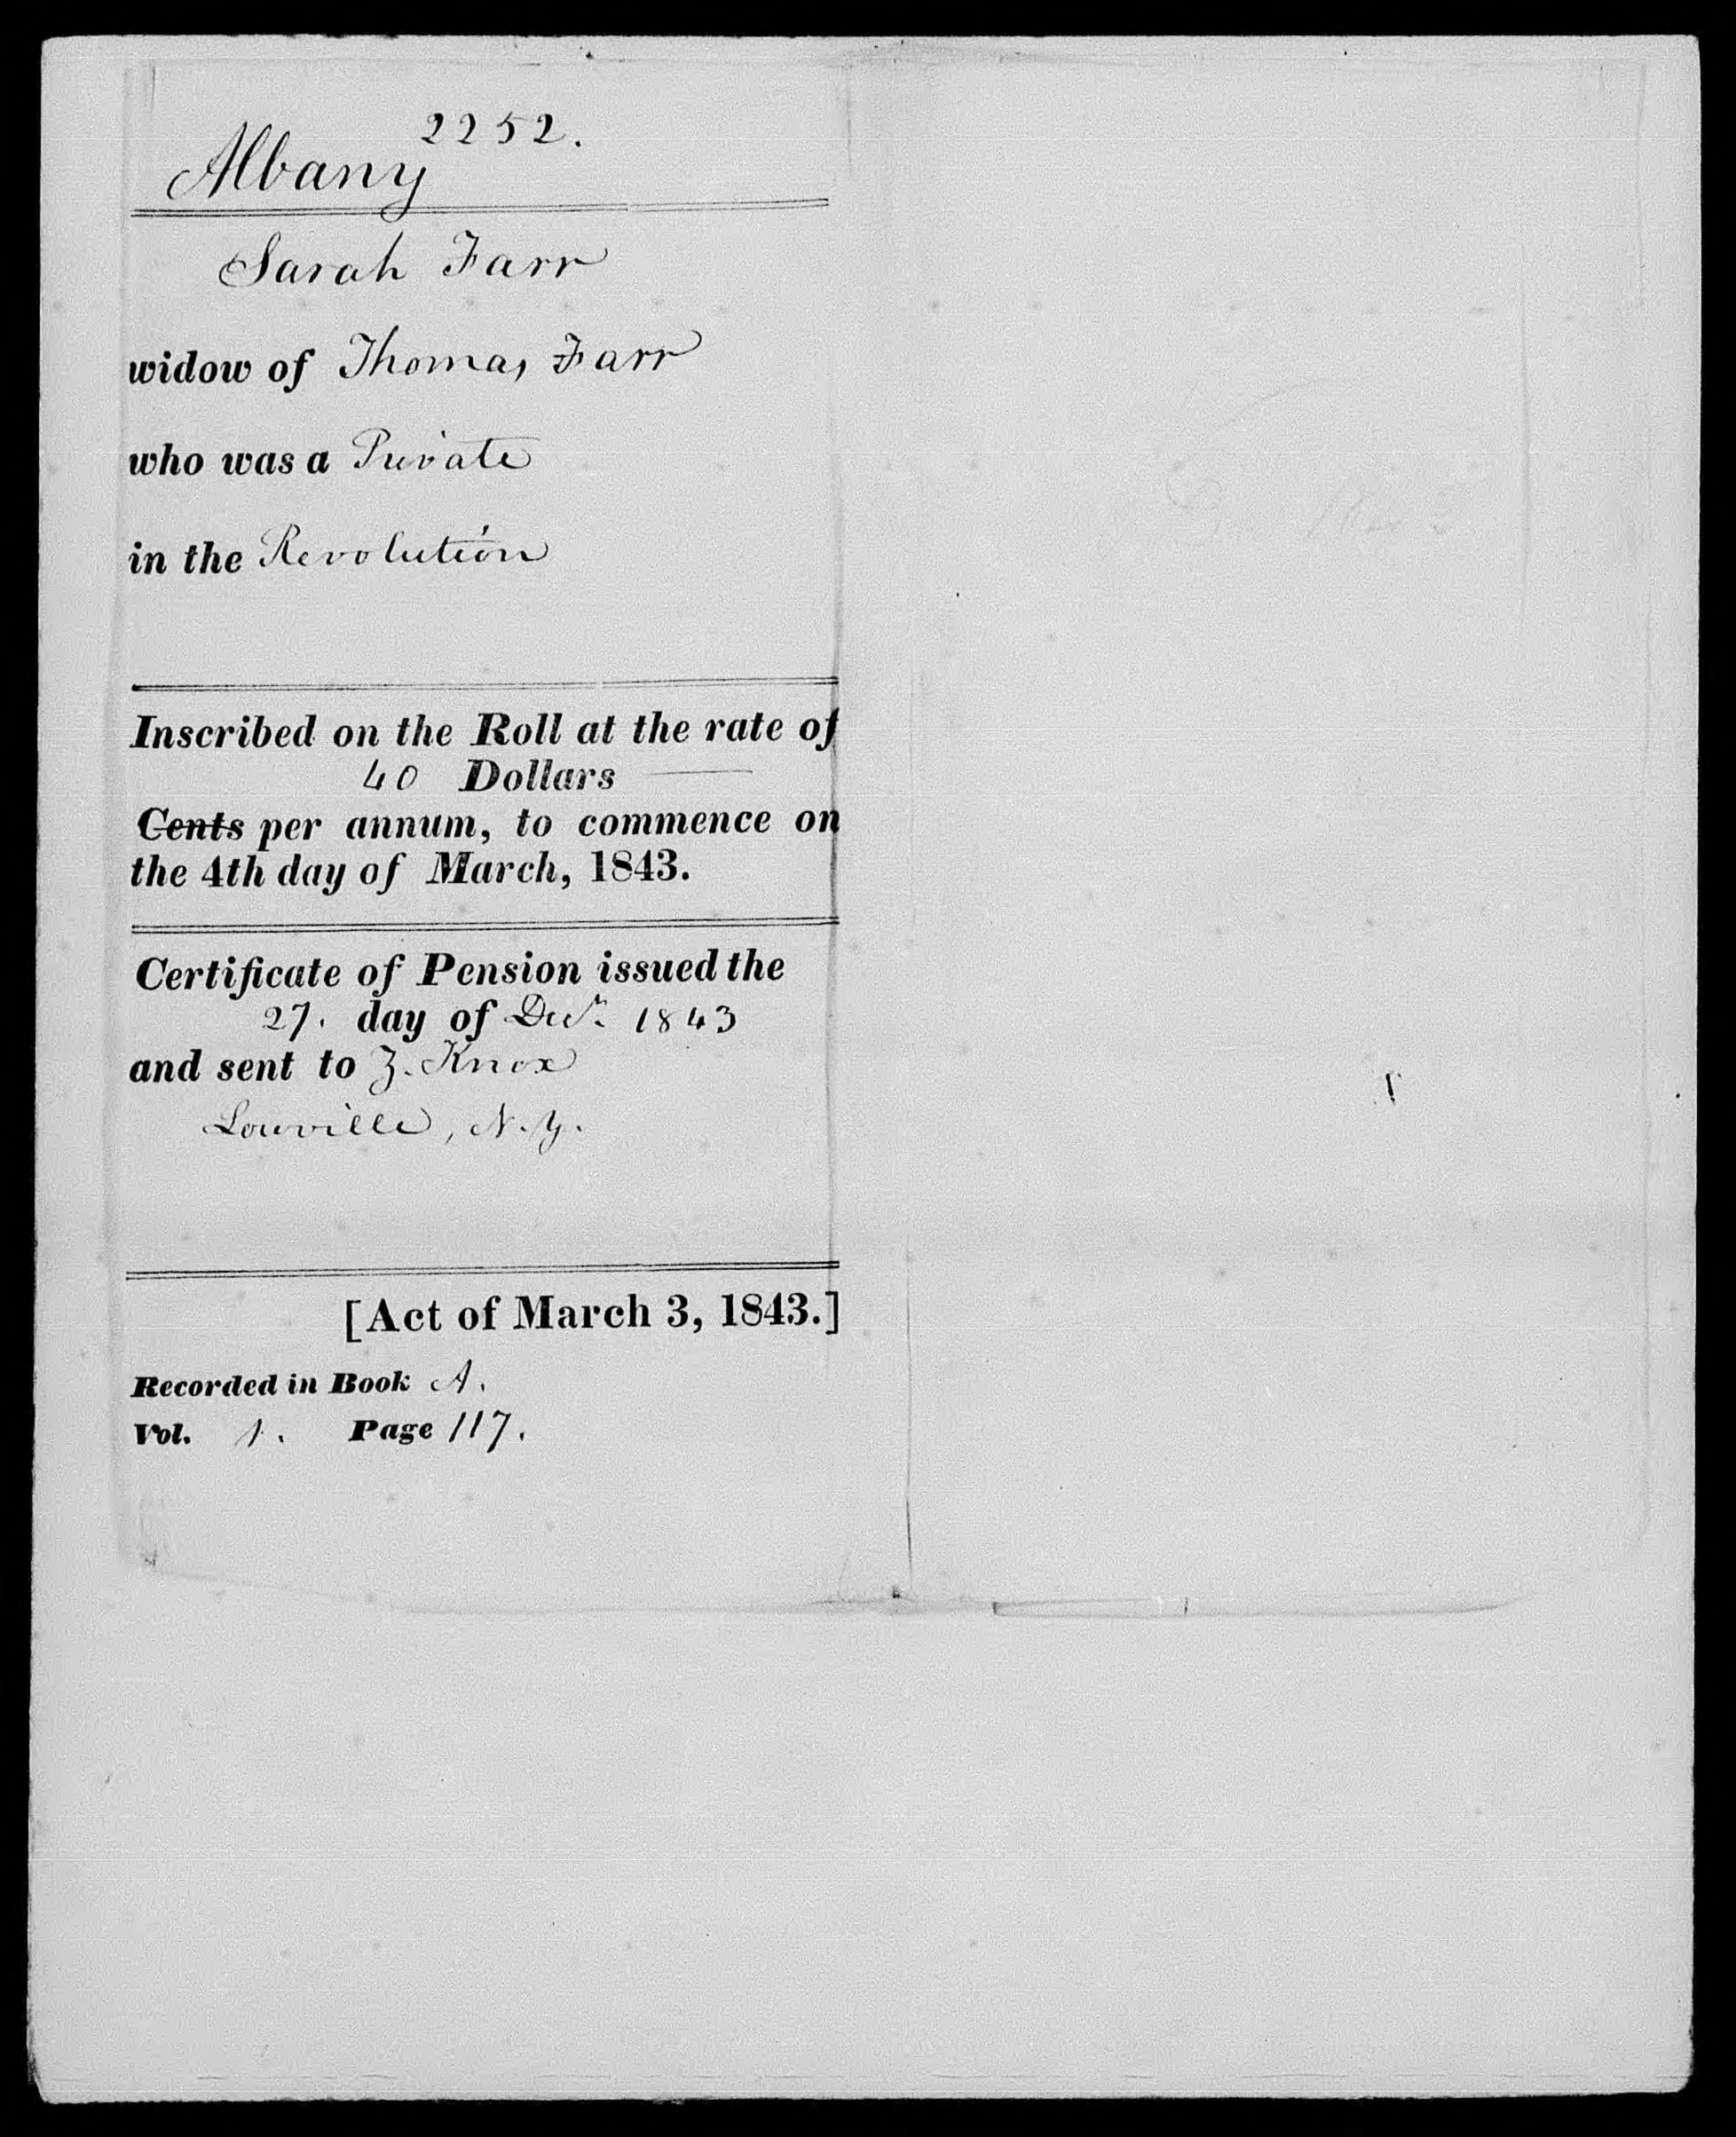2252.
Albany

Sarah Farr
widow of Thomas Farr
who was a Private
in the Revolution


Inscribed on the Roll at the rate of
40 Dollars ---
Cents [crossed out] per annum, to commence on
the 4th day of March, 1843.


Certificate of Pension issued the
27 day of Decr 1843
and sent to Z. Knox
Lowville, N.Y.


[Act of March 3, 1843.]
 Recorded in Book A.
Vol. A     Page 117.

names: Sarah Farr, Thomas Farr, Z Knox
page: 25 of 46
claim: widow's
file: W. 23022, Thomas Farr, N.H.